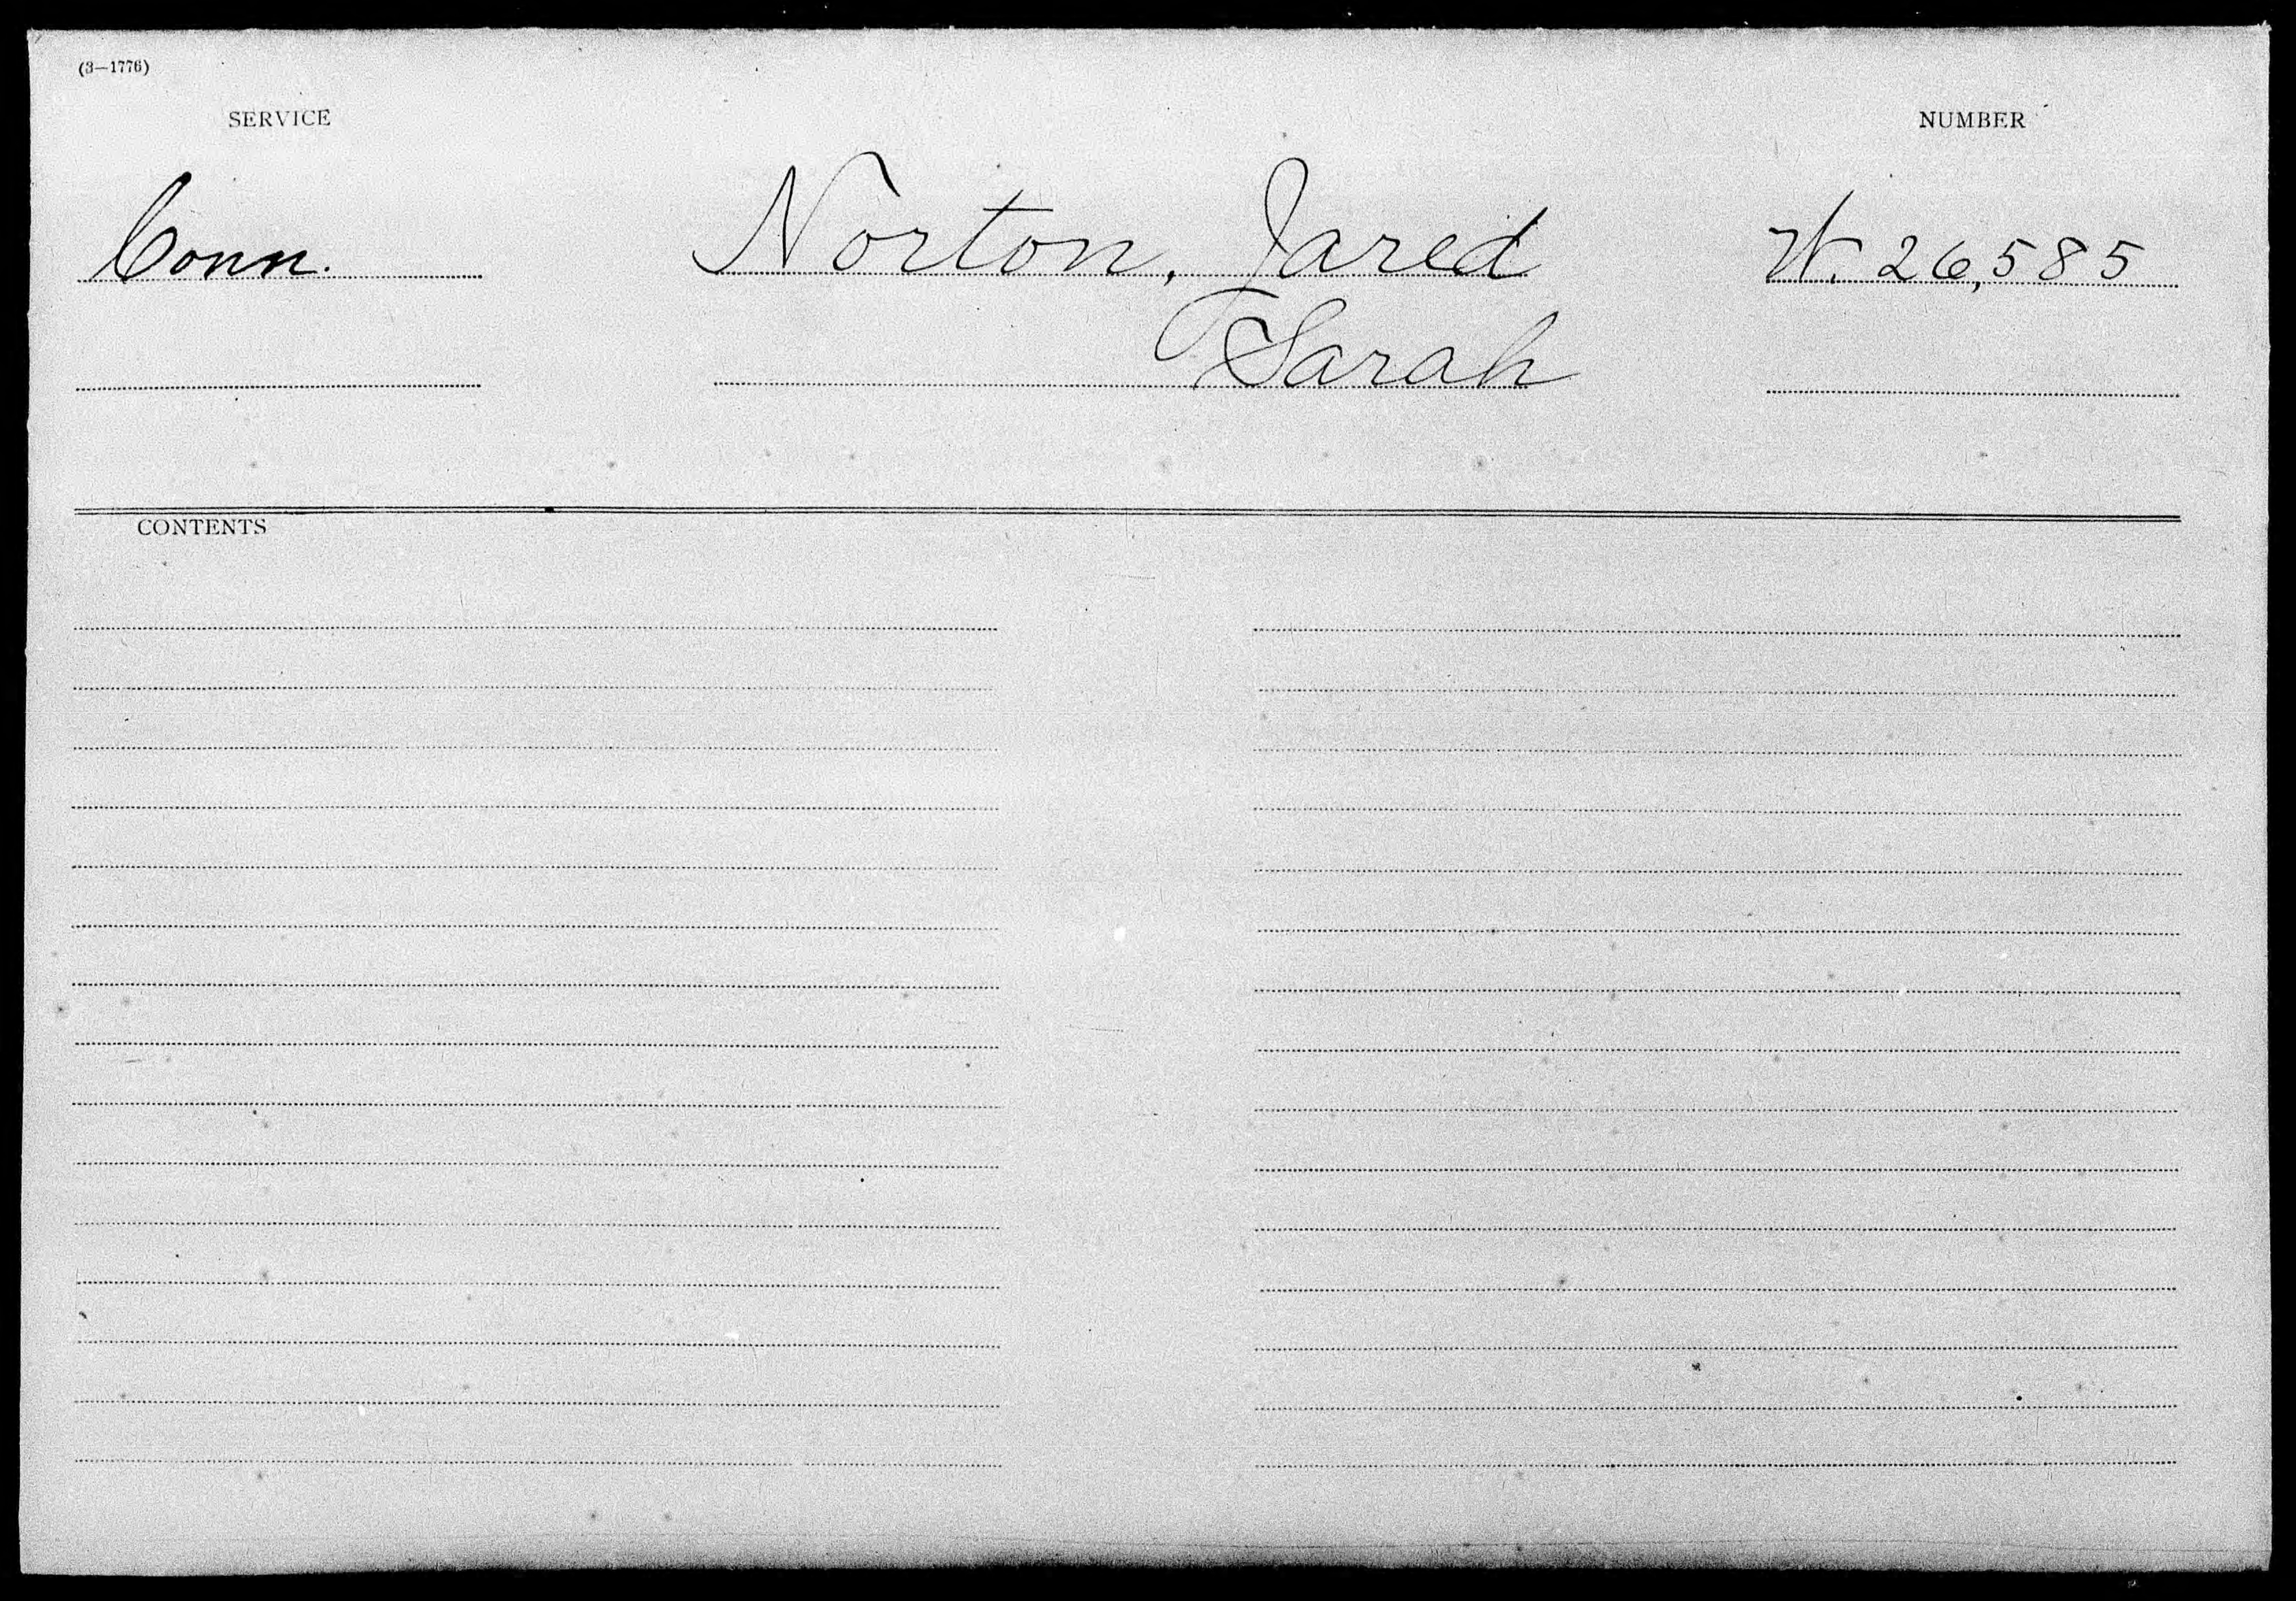Conn. 
Norton, Jared
Sarah
W 26, 585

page: 1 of 54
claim: widow's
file: W. 26,585, for Jared Norton, Connecticut